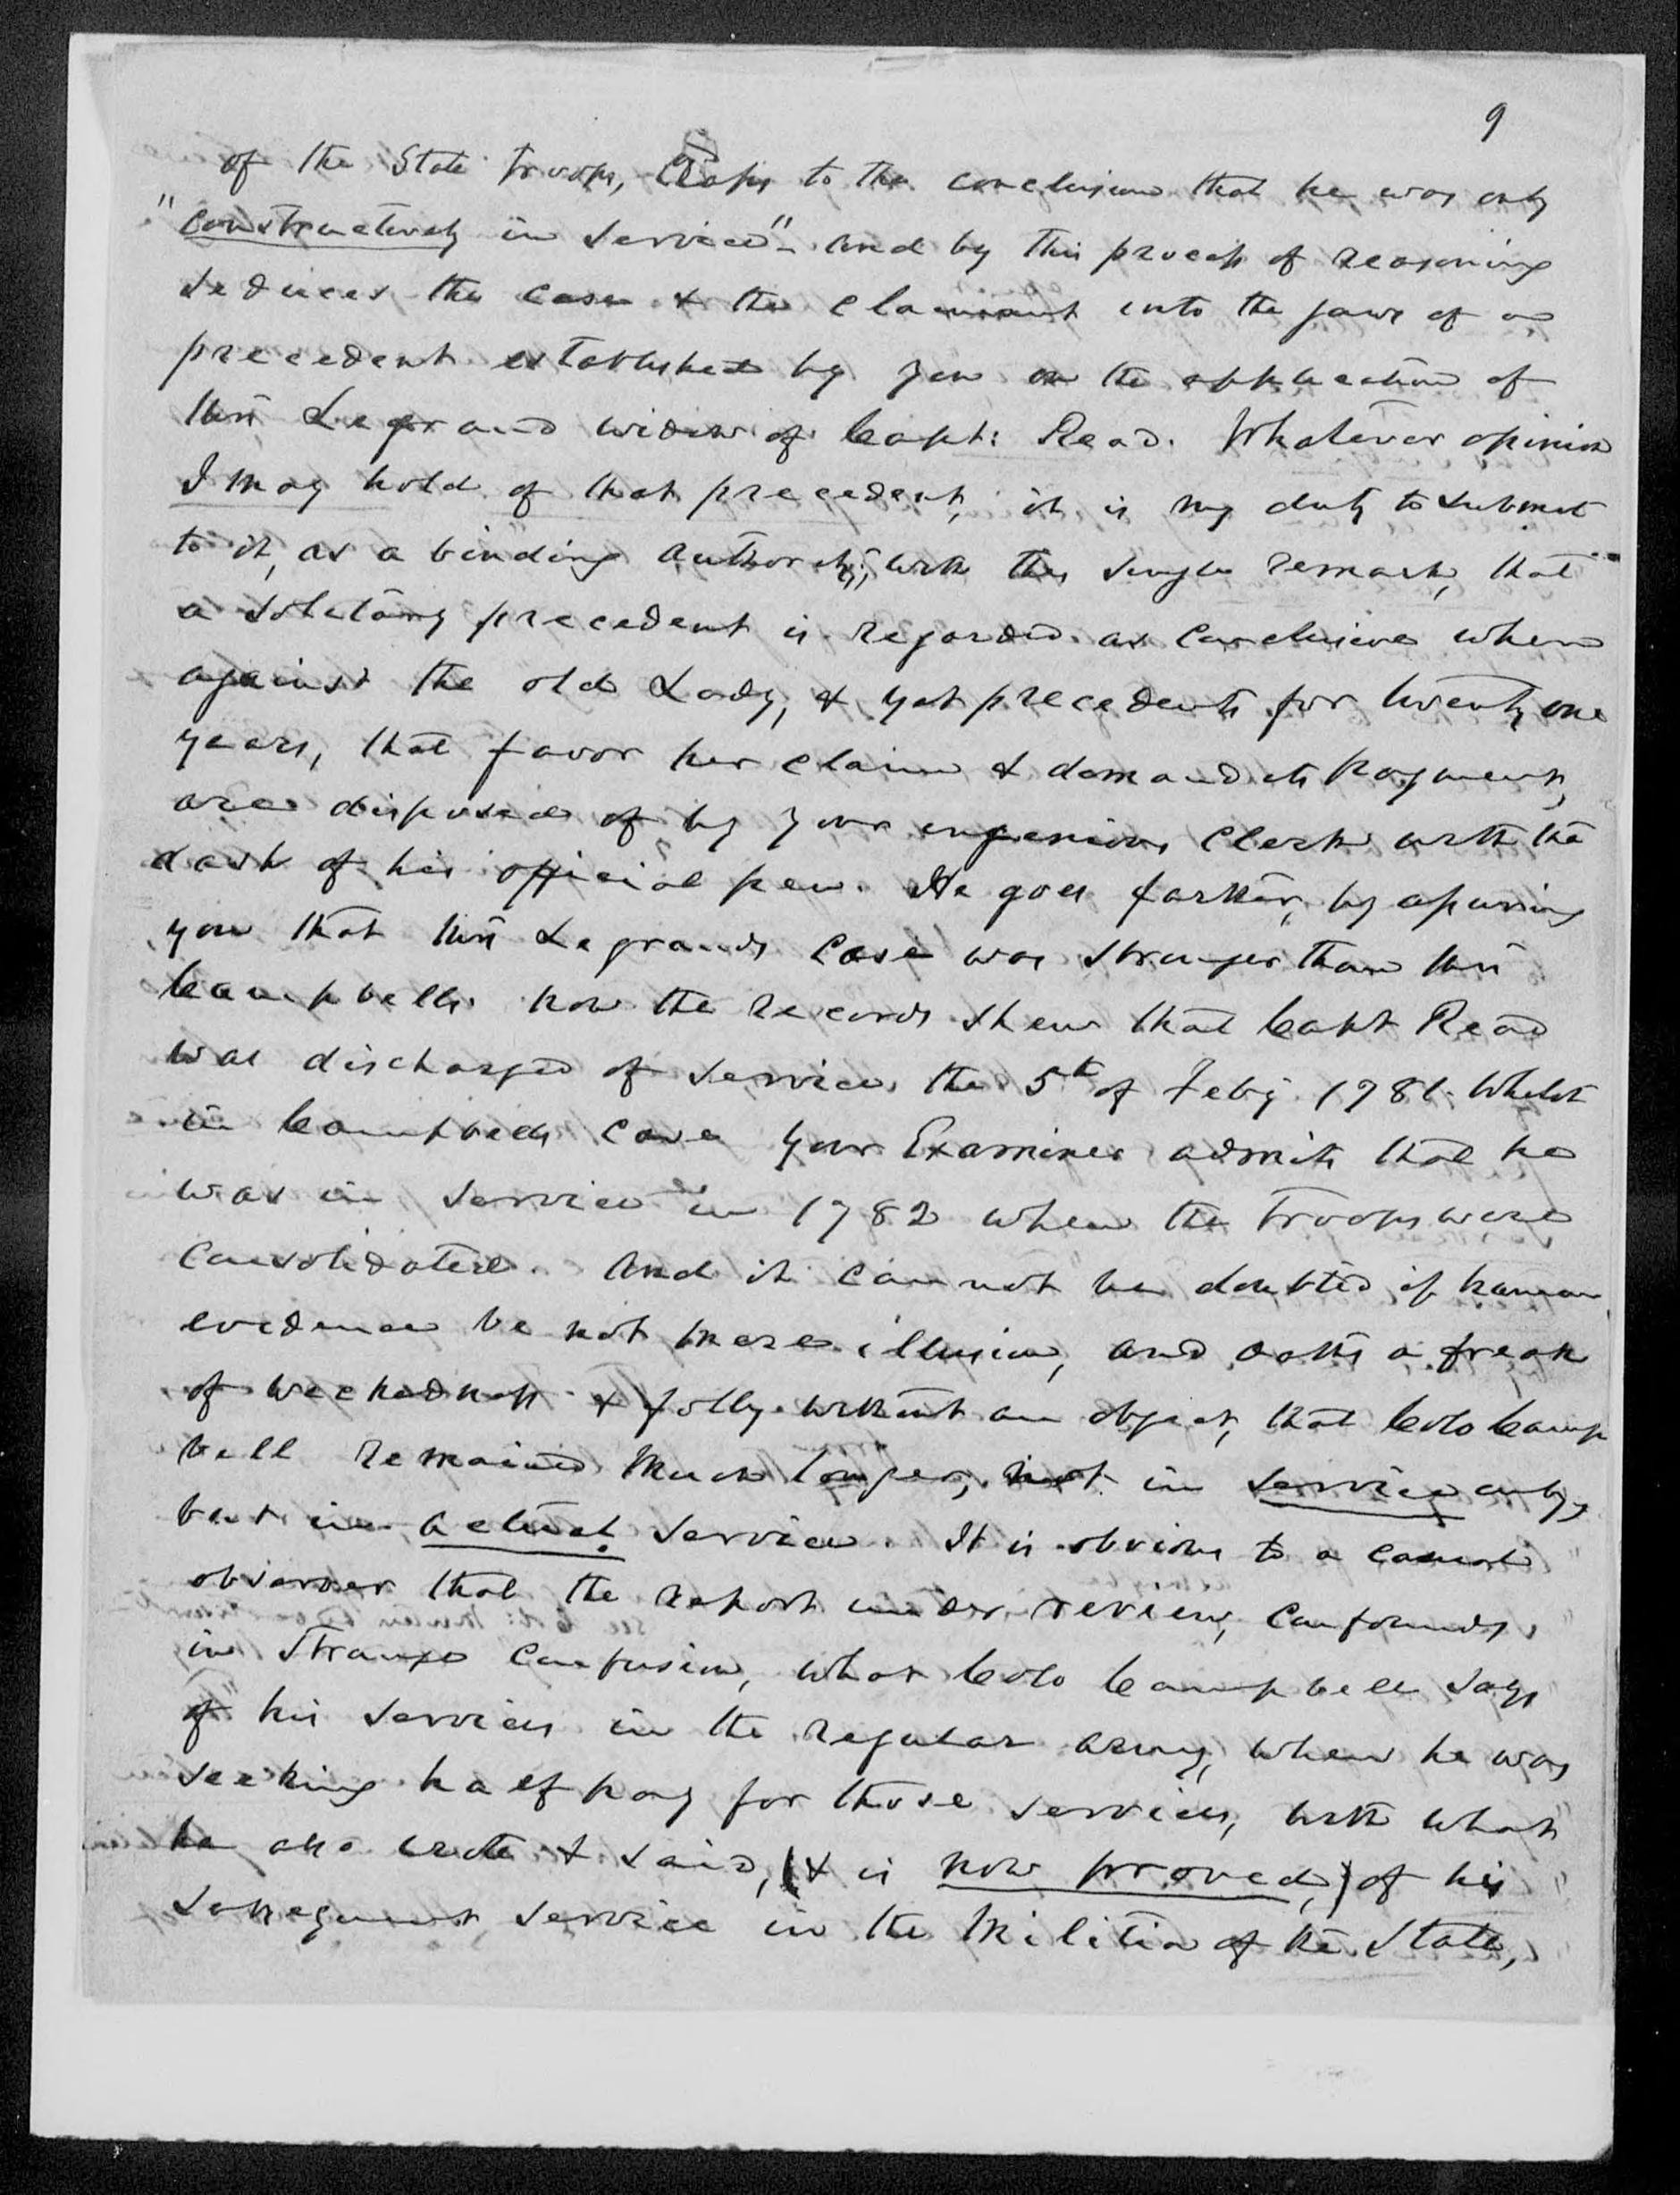of the State troops, [?] to the conclusion that he was only "constructively in service," and by this process of reasoning did direct the case & the claimant into the jaws of a precedent established by you on the application of this [?]  and widow of Capt: Read. Whatever opinion I may hold of that precedent, it is my duty to submit to it as a binding authority, with this single remark that a solitary precedent is regarded as conclusive when against the old Lady, & yet precedents for twenty one years, that favor her claim & demand its payment are disposed of by your ingenious Clerk with the dash of his official pen. He goes farther by opining you that this degraced case was stronger than his capabilities. Now the records show that Capt Read was discharged of service, the 5th of Feby 1781 whilst in [illegible Cowfords ] came your Examiner admits that he was in service in 1782 when the troops were
Consolidated And it cannot be doubted if know evidence be not [illegible  there] and oath a freak of weakness & folly without an object, that Col Camp well remained much comper, not in service only, but in actual service. It is obvious to a court observer that the report under review conformed in strange confusion, what Col Campbell says of his services in the regular army, when he was
seeking half pay for those services, with what
he ask a court & said & is now proved of his
request service in the Militia of the State,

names: Read, Wm Campbell, Campbell, Campbell, Campbell, Campbell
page: 231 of 267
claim: widow's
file: W. 4,149, William Campbell, Va.